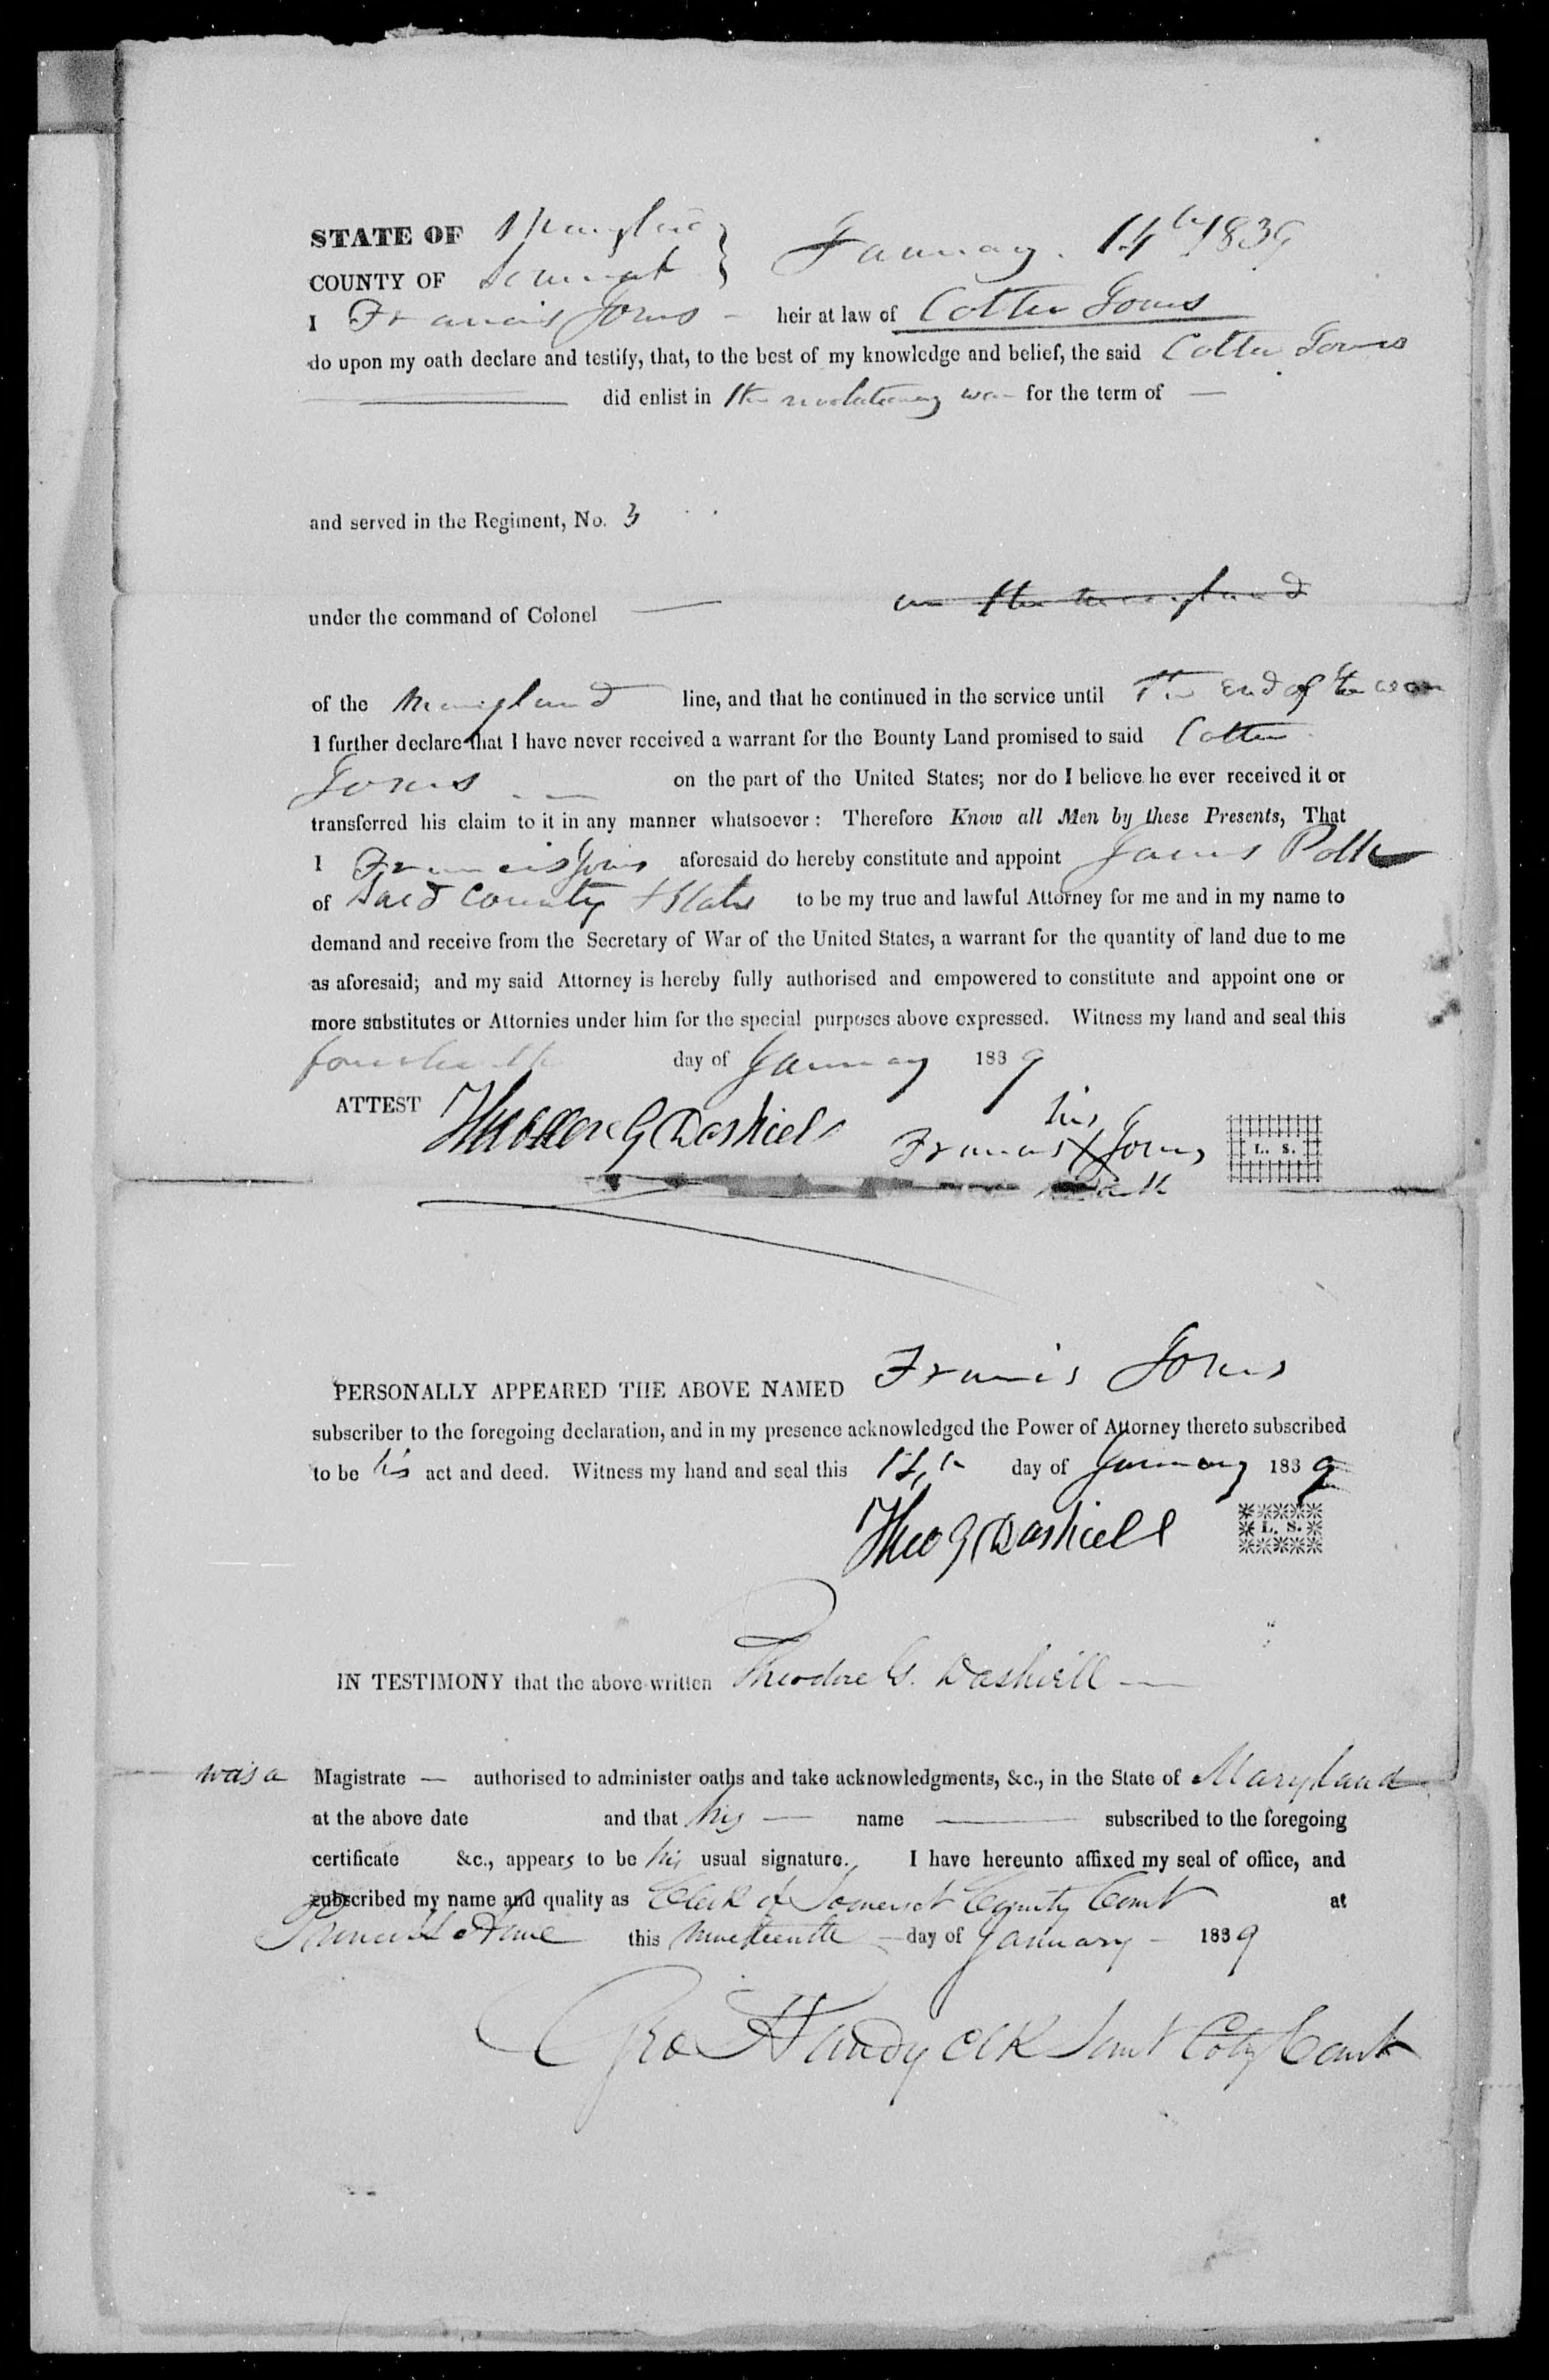State of Maryland
County of Somerset

January 14, 1839

I Francis Jones heir at law of Cotter Jones do upon my oath declare and testify that to the best of my knowledge and belief, the said Cotter Jones did enlist in the revolutionary war for the term of blank and served in the Regiment No 3 under the command of Colonel blank of the Maryland line and that he continued in the service until the end of the war. I further declare that I have never received a warrant for the Bounty Land promised to said Cotter Jones on the part of the United states; nor do I believe he ever received it or transferred his claim to it in any manner whatsoever: Therefore know all men by these presents, that I Francis Jones aforesaid do hereby constitute and appoint James Polk of said county & state to be my true and lawful attorney for me and in my name to demand and receive from the Secretary of War of the United States a warrant for the quantity of land due to me as aforesaid; and my said attorney is hereby fully authorized and empowered to constitute and appoint one or more substitutes or attorneys under him for the special purposes above expressed. Witness my hand and seal this fourteenth day of January 1839.

Francis Jones
His X Mark

Attest: Theo. G Dashiell

Personally Appeared the above-named Francis Jones subscriber to the foregoing declaration and in my presence acknowledged the Power of Attorney thereto subscribed to be his act and deed. Witness my hand and seal this 14th day of January 1839.

Theo G Dashiell

In Testimony that the above written Theodore G Dashiell Magistrate authorized to administer oaths and take acknowledgements etc. in the state of Maryland at the above day and that his name subscribed to the foregoing certificate etc. appears to be his usual signature. I have hereunto affixed my seal of office and subscribed by name and quality as Clerk of Somerset County Court at Princess Anne this nineteenth day of January 1839.

Geo Handy - Clerk Somerset County Court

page: 13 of 15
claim: survivor's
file: S. 34946, for Cotter Jones, Maryland